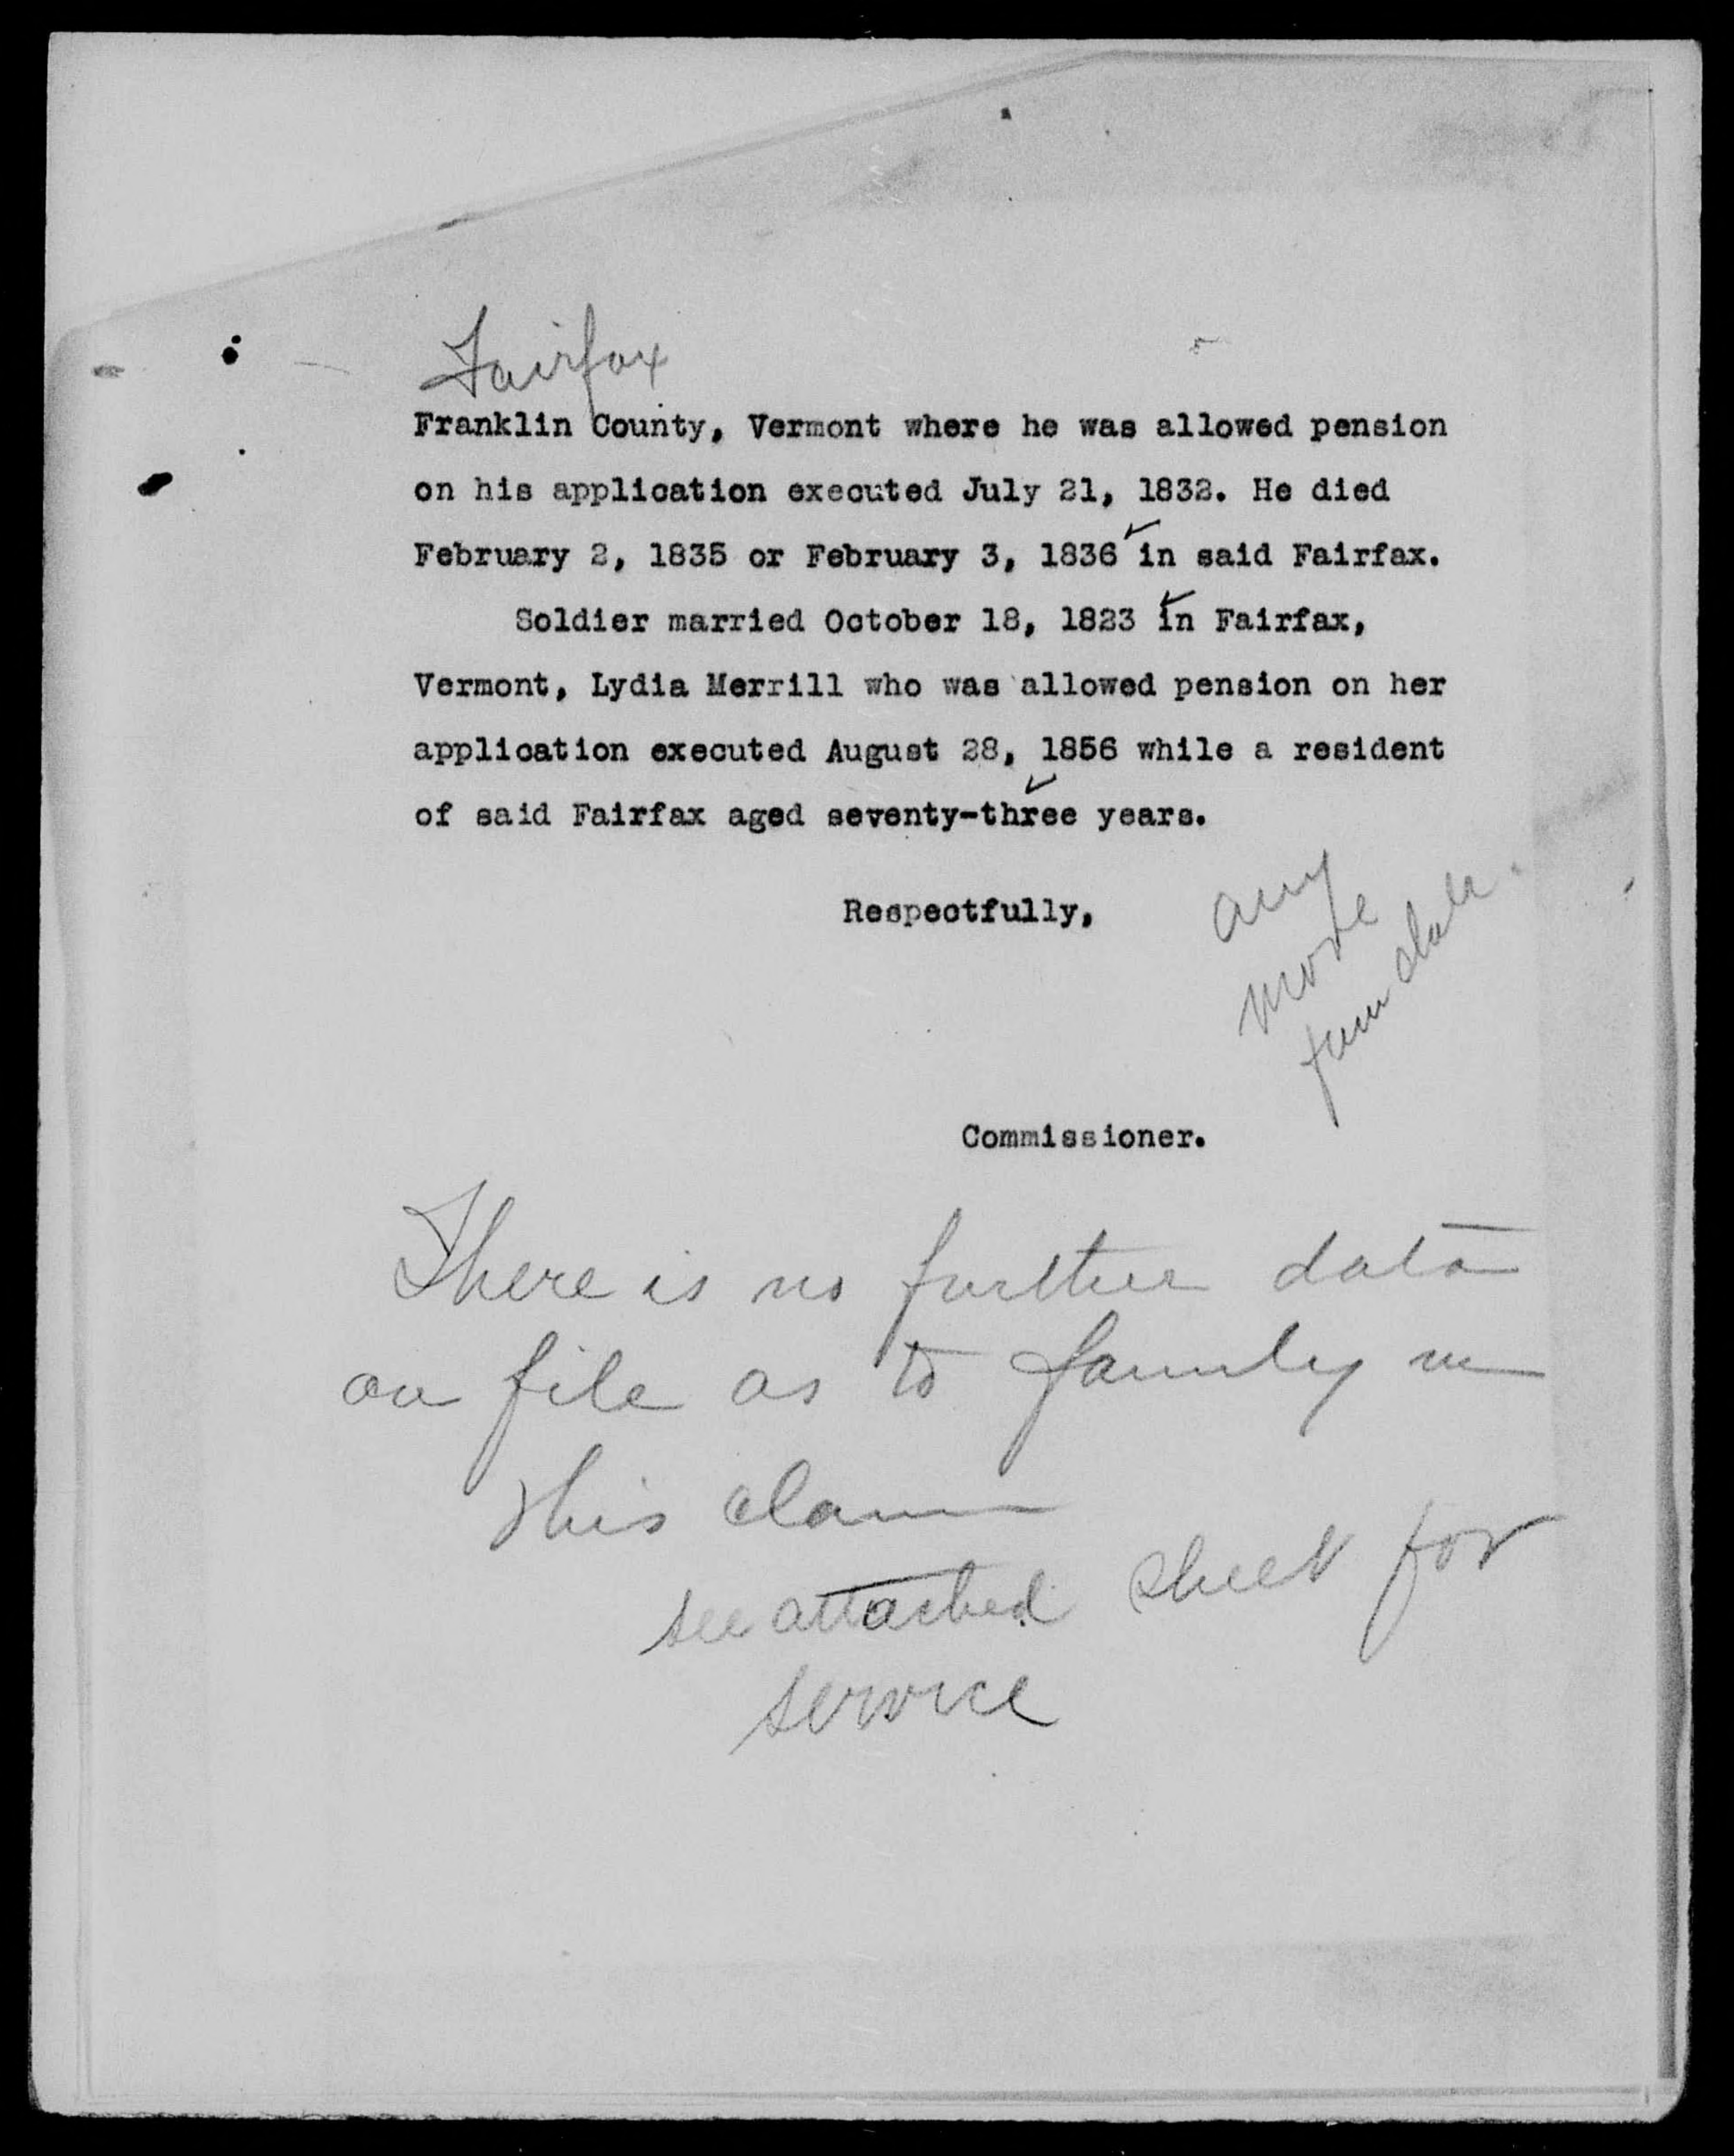Fairfax Franklin County, Vermont where he was allowed pension on his application executed July 21, 7832. He died February 2, 1835 or February 3, 1836 in said Fairfax.

Soldier married October 18, 1823 in Fairfax, Vermont, Lydia Merrill who was allowed pension on her application executed August 28, 1856 while a resident of said Fairfax aged seventy-three years.

Respectfully ,

Commissioner.

[handwritten note "any more [illegible] data"]

There is no further data on file as to family in this claim
See attached sheet for service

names: Lydia Merrill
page: 70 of 72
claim: widow's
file: W. 7771, Stephen Holmes, Vt.